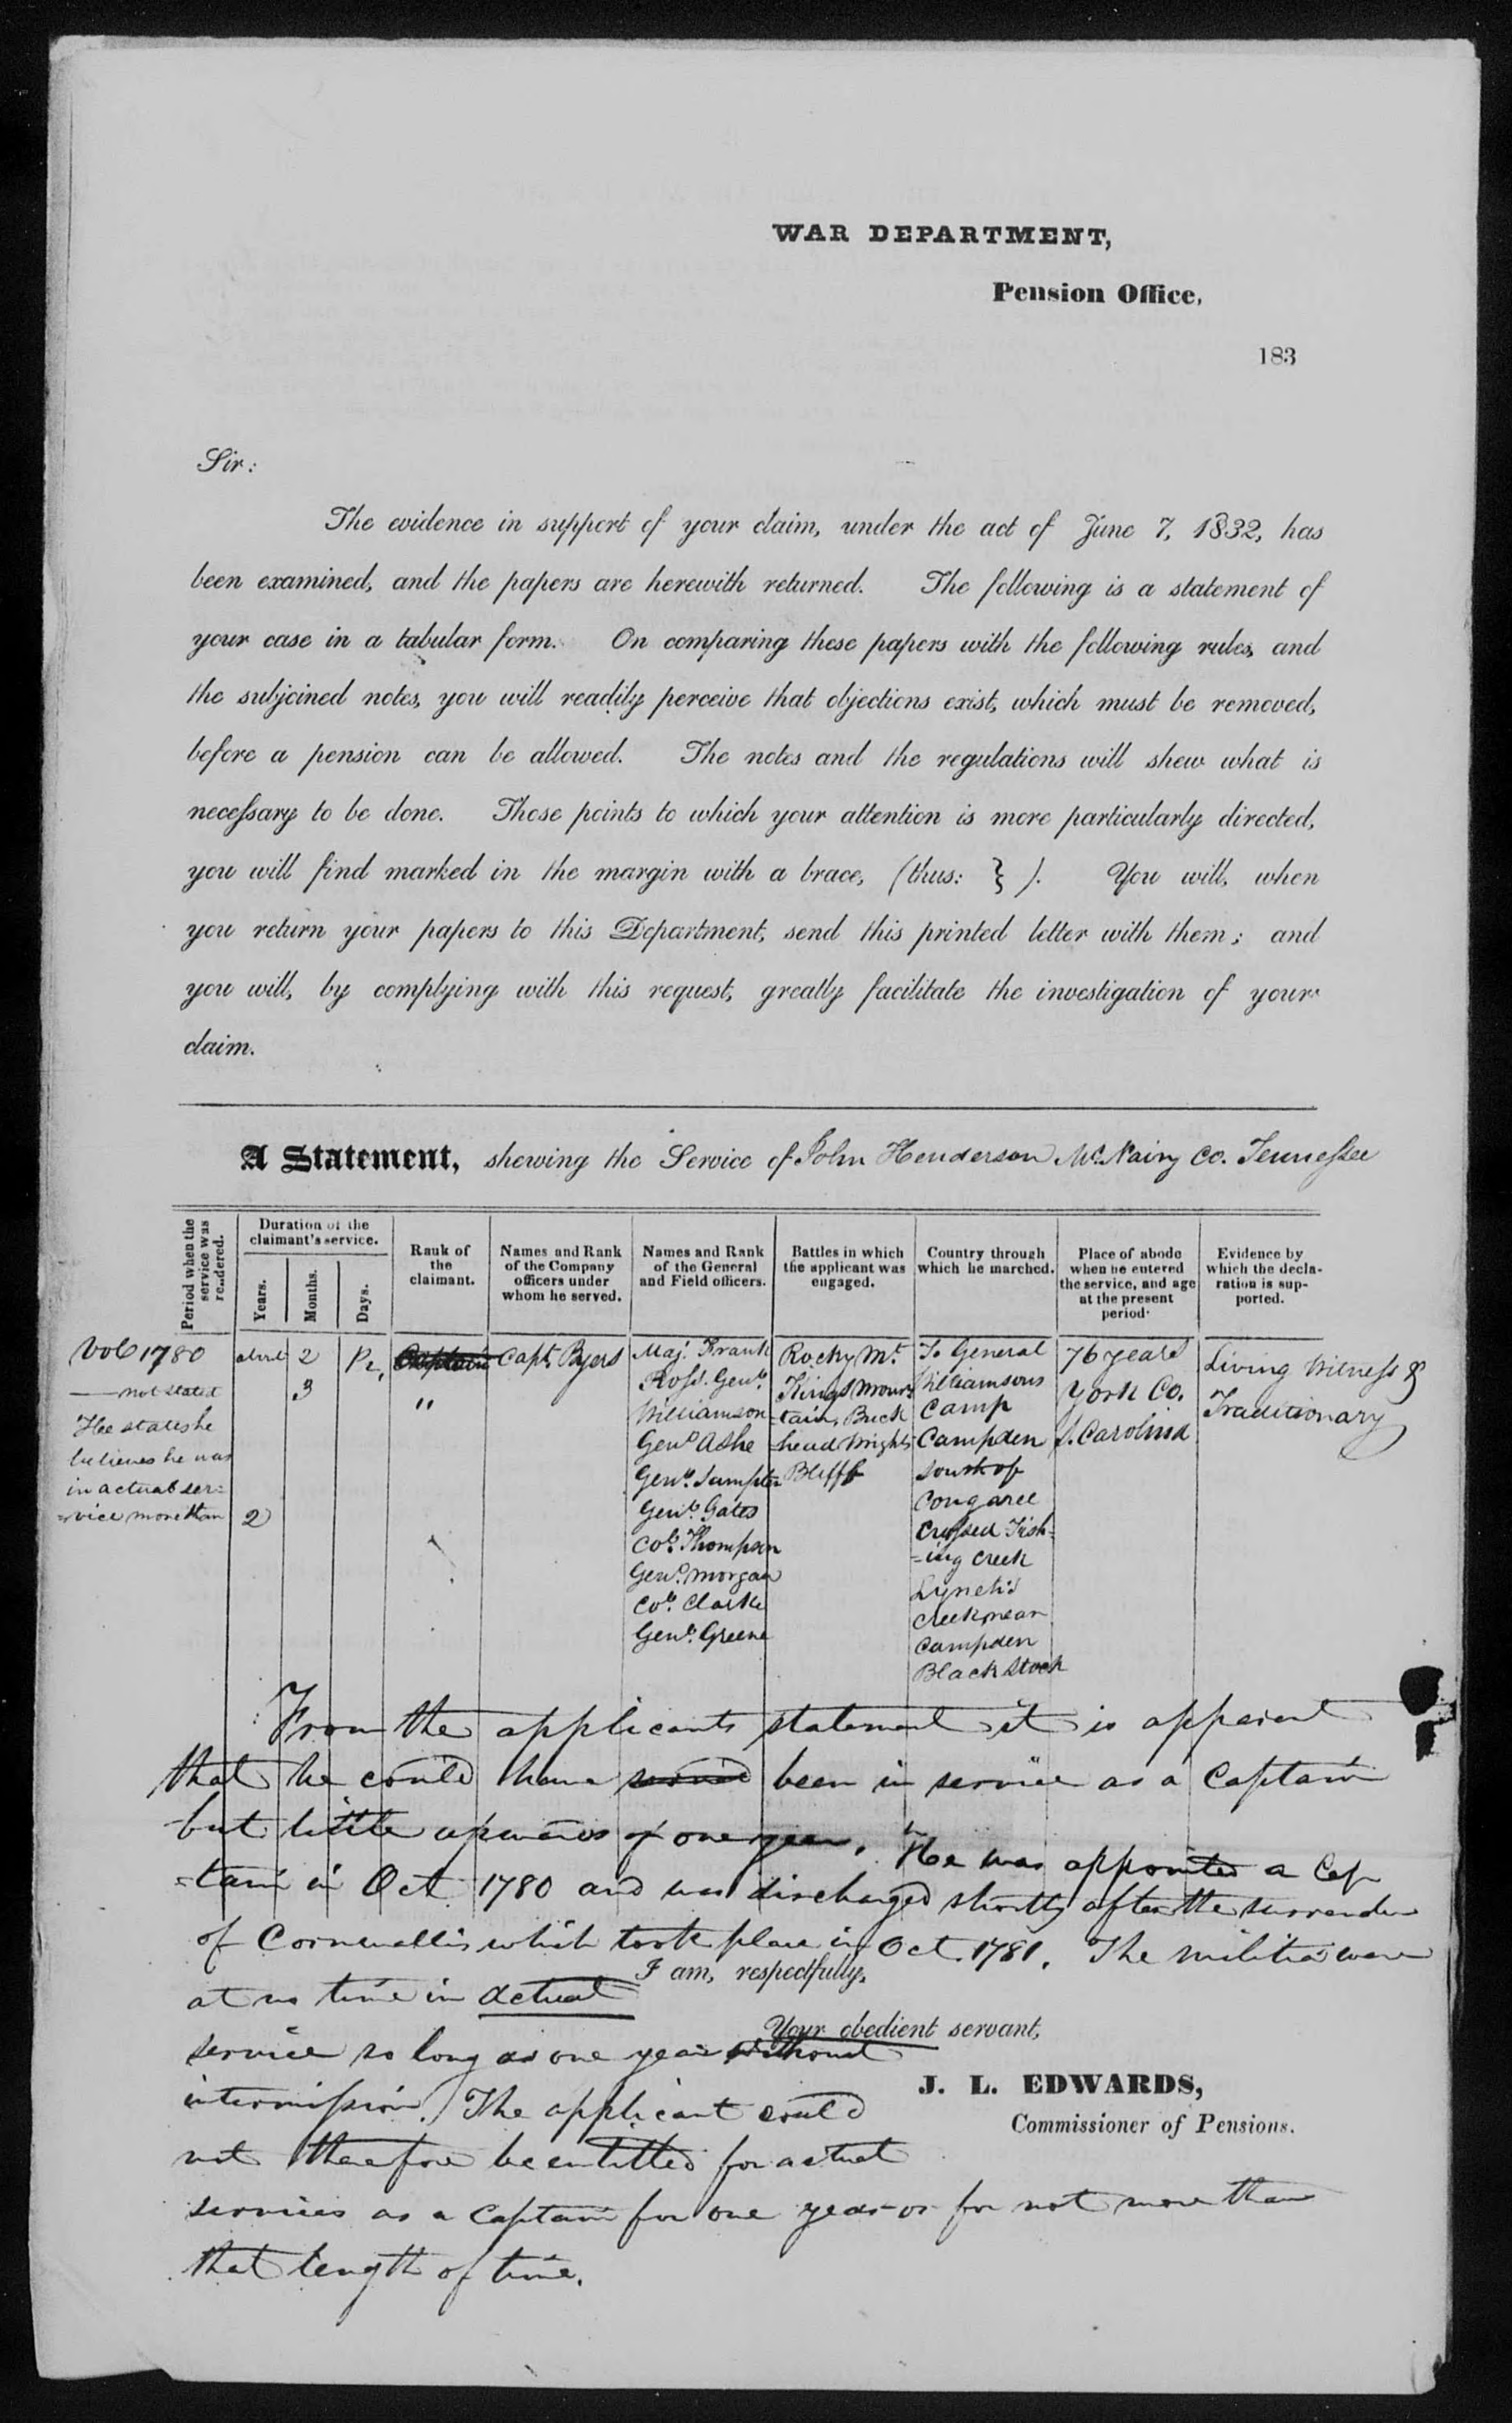WAR DEPARTMENT,
Pension Office
183
Sir,
The evidence in support of your claim, under the act of June 7, 1832, has been examined, and the papers are herewith returned. The following is a statement of your case in a tabular form. On comparing these papers with the following rules and the subjoined notes, you will readily perceive that objections exist, which must be removed, before a pension can be allowed. The notes and the regulations will shew what is necessary to be done. These points to which your attention is more particularly directed, you will find marked in the margin with a brace, (thus: } ). You will, when you return your papers to this Department, send this printed letter with them; and you will, by complying with this request, greatly facilitate the investigation of your claim.
_______________
A STATEMENT, shewing the Service of John Henderson, McNairy Co. Tennessee
_______________
[table]
[nine column headings]
Period when the service was rendered | Duration of the claimant's service | Rank of the claimant | Names and Rank of the Company officers under whom he served. | Names and Rank of the General and Field officers | Battles in which this applicant was engaged. | Country through which he marched. | Place of abode when he entered the service, and age at the present period | Evidence by which the declaration is supported.
_______________
Vol 1780 | about 2 Months Pr. Days | Captain [crossed out] | Capt. Byers | Maj. Frank Ross, Genl. Williamson, Genl Ashe, Genl. Sumpter, Gen'l. Gates, Col. Thompson, Genl Morgan, Col. Clarke, Genl. Greene | Rocky Mt. Kings Mountain, Buckhead Wrights Bluff | To General Williamsons Camp Campden south of Congaree Crossed Fishing Creek Lynch's creek near Campden Blackstock | 76 years York Co. S. Carolina | Living Witness & Traditionary
______________
[ note line two, column one]
- not stated  He states he believes he was in actual service more than 2 years 3 months

From the applicants statement it is apparent that he could have served [crossed out] been in service as a Captain but little upwards of one year. He was appointed a Captain in Oct 1780 and was discharged shortly after the surrender of Cornwallis which took place in Oct. 1781. The militia were at no time in actual service so long as one year without intermission. The applicant could not therefore be entitled for actual services as a Captain for one year or for not more than that length of time.
I am, respectfully,
Your obedient servant,
J. L. ,
Commissioner of Pensions.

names: Sumpter, John Henderson, Byers, J L Edwards, Thompson, Williamson, Ashe, Greene, Clarke, Morgan, Gates, Frank Ross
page: 10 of 40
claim: rejected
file: R. 4,869, John Henderson, S.C.